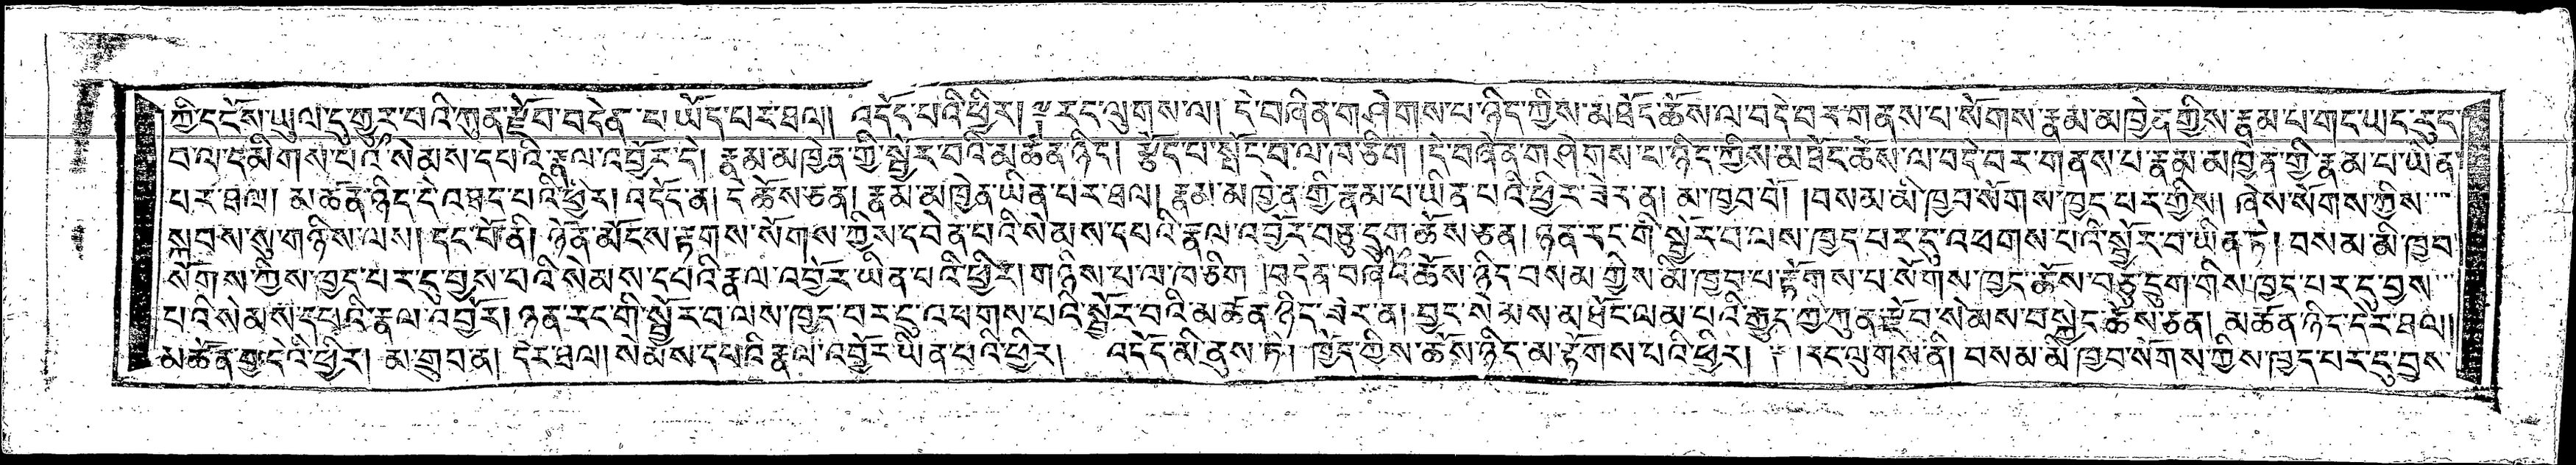ཀྱི་དངོས་ཡུལ་དུ་གྱུར་པའི་ཀུན་རྫོབ་བདེན་པ་ཡོད་པར་ཐལ། འདོད་པའི་ཕྱིར། ༈ རང་ལུགས་ལ། དེ་བཞིན་གཤེགས་པ་ཉིད་ཀྱིས་མཐོང་ཆོས་ལ་བདེ་བར་གནས་པ་སོགས་རྣམ་མཁྱེན་གྱི་རྣམ་པ་གང་ཡང་རུང་
བ་ལ་དམིགས་པའི་སེམས་དཔའི་རྣལ་འབྱོར་དེ། རྣམ་མཁྱེན་གྱི་སྦྱོར་བའི་མཚན་ཉིད། རྩོད་པ་སྤོང་བ་ལ་ཁ་ཅིག །དེ་བཞིན་གཤེགས་པ་ཉིད་ཀྱིས་མཐོང་ཆོས་ལ་བདེ་བར་གནས་པ་རྣམ་མཁྱེན་གྱི་རྣམ་པ་ཡིན་
པར་ཐལ། མཚན་ཉིད་དེ་འཐད་པའི་ཕྱིར། འདོད་ན། དེ་ཆོས་ཅན། རྣམ་མཁྱེན་ཡིན་པར་ཐལ། རྣམ་མཁྱེན་གྱི་རྣམ་པ་ཡིན་པའི་ཕྱིར་ཟེར་ན། མ་ཁྱབ་བོ། །བསམ་མི་ཁྱབ་སོགས་ཁྱད་པར་གྱིས། ཞེས་སོགས་ཀྱིས་
སྐབས་སུ་གཉིས་ལས། དང་པོ་ནི། ཉོན་མོངས་རྟགས་སོགས་ཀྱིས་དབེན་པའི་སེམས་དཔའི་རྣལ་འབྱོར་བཅུ་དྲུག་ཆོས་ཅན། ཉན་རང་གི་སྦྱོར་བ་ལས་ཁྱད་པར་དུ་འཕགས་པའི་སྦྱོར་བ་ཡིན་ཏེ། བསམ་མི་ཁྱབ་
སོགས་ཀྱིས་ཁྱད་པར་དུ་བྱས་པའི་སེམས་དཔའི་རྣལ་འབྱོར་ཡིན་པའི་ཕྱིར། གཉིས་པ་ལ་ཁ་ཅིག །བདེན་བཞིའི་ཆོས་ཉིད་བསམ་གྱིས་མི་ཁྱབ་པ་རྟོགས་པ་སོགས་ཁྱད་ཆོས་བཅུ་དྲུག་གིས་ཁྱད་པར་དུ་བྱས་
པའི་སེམས་དཔའི་རྣལ་འབྱོར། ཉན་རང་གི་སྦྱོར་བ་ལས་ཁྱད་པར་དུ་འཕགས་པའི་སྦྱོར་བའི་མཚན་ཉིད་ཟེར་ན། བྱང་སེམས་མཐོང་ལམ་པའི་རྒྱུད་ཀྱི་ཀུན་རྫོབ་སེམས་བསྐྱེད་ཆོས་ཅན། མཚན་ཉིད་དེར་ཐལ།
མཚོན་བྱ་དེའི་ཕྱིར། མ་གྲུབ་ན། དེར་ཐལ། སེམས་དཔའི་རྣལ་འབྱོར་ཡིན་པའི་ཕྱིར། འདོད་མི་ནུས་ཏེ། ཁྱོད་ཀྱིས་ཆོས་ཉིད་མ་རྟོགས་པའི་ཕྱིར། ༈ །རང་ལུགས་ནི། བསམ་མི་ཁྱབ་སོགས་ཀྱིས་ཁྱད་པར་དུ་བྱས་